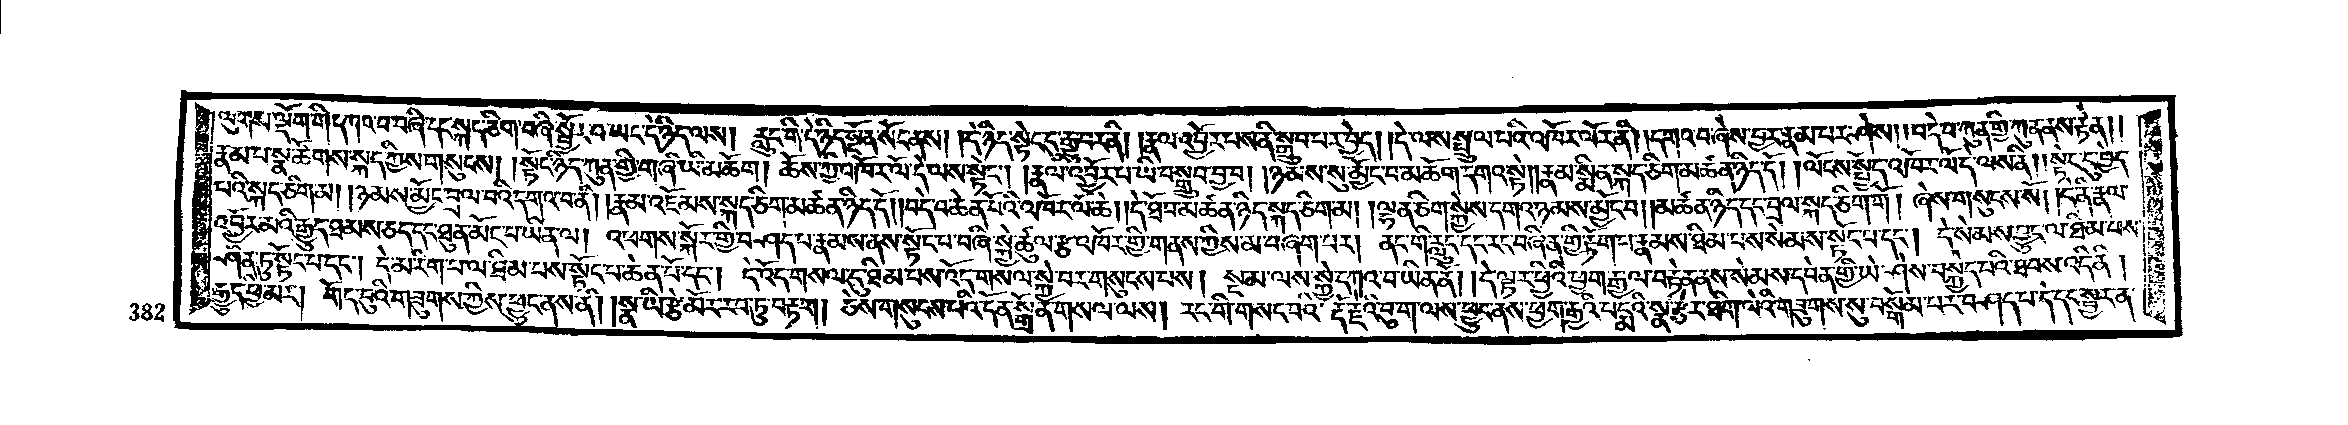ལུགས་ལྡོག་གི་དགའ་བ་བཞི་དང་སྐད་ཅིག་བཞི་སྦྱོར་བ་ཡང་དེ་ཉིད་ལས། རླུང་གི་དེ་ཉིད་སྔོན་སོང་ནས། །དེ་ཉིད་སྟེང་དུ་རྒྱུ་བར་ནི། །རྣལ་འབྱོར་པས་ནི་སྒྲུབ་པར་བྱེད། །དེ་ལས་སྤྲུལ་པའི་འཁོར་ལོར་ནི། །དགའ་བ་ཞེས་བྱར་རྣམ་པར་ཤེས། །བདེ་བ་ཀུན་གྱི་ཀུན་ནས་རྟེན། །
རྣམ་པ་སྣ་ཚོགས་སྐད་ཀྱིས་གསུངས། །སྟོང་ཉིད་ཀུན་གྱི་གཞི་ཡི་མཆོག །ཆོས་ཀྱི་འཁོར་ལོ་དེ་ལས་སྟེང་། །རྣལ་འབྱོར་པ་ཡི་བསྒྲུབ་བྱ་བ། །ཉམས་སུ་མྱོང་བ་མཆོག་དགའ་སྟེ། །རྣམ་སྨིན་སྐད་ཅིག་མཚན་ཉིད་དོ། །ལོངས་སྤྱོད་འཁོར་ལོ་དེ་ལས་ནི། །སྟེང་དུ་བྱེད་
པའི་སྐད་ཅིག་མ། །ཉམས་མྱོང་བྲལ་བའི་དགའ་བ་ནི། །རྣམ་འཇོམས་སྐད་ཅིག་མཚན་ཉིད་དོ། །བདེ་བ་ཆེན་པོའི་འཁོར་ལོ་ཆེ། །དེ་ཐོབ་མཚན་ཉིད་སྐད་ཅིག་མ། །ལྷན་ཅིག་སྐྱེས་དགའ་ཉམས་མྱོང་བ། །མཚན་ཉིད་དང་བྲལ་སྐད་ཅིག་གོ །ཞེས་གསུངས་སོ། །དེ་ནི་རྣལ་
འབྱོར་མའི་རྒྱུད་ཐམས་ཅད་དང་ཐུན་མོང་པ་ཡིན་ལ། འཕགས་སྐོར་གྱི་བཤད་པ་རྣམས་ནས་སྟོང་པ་བཞི་སྐྱེ་ཚུལ་རྩ་འཁོར་གྱི་གནས་ཀྱིས་མ་བཞག་པར། ནང་གི་རླུང་དང་རང་བཞིན་གྱི་རྟོག་པ་རྣམས་ཐིམ་པས་སེམས་སྟོང་པ་དང་། དེ་སེམས་བྱུང་ལ་ཐིམ་པས་
ཤིན་ཏུ་སྟོང་པ་དང་། དེ་མ་རིག་པ་ལ་ཐིམ་པས་སྟོང་པ་ཆེན་པོ་དང་། དེ་འོད་གསལ་དུ་ཐིམ་པས་འོད་གསལ་སྐྱེ་བར་གསུངས་པས། སྔ་མ་ལས་སྐྱེ་དཀའ་བ་ཡིན་ནོ། །དེ་ལྟར་ཕྱིའི་ཕྱག་རྒྱ་ལ་བརྟེན་ནས་སེམས་དབེན་གྱི་ཡེ་ཤེས་བསྐྱེད་པའི་ཐབས་འདི་ནི།
རྒྱུད་ཕྱི་མར། གོད་བུའི་གཟུགས་ཀྱིས་ཕྱུང་ནས་ནི། །སྣ་ཡི་རྩེ་མོར་རབ་ཏུ་བརྟག །ཅེས་གསུངས་པའི་དོན་སྒྲོན་གསལ་ལས། རང་གི་གསང་བའི་རྡོ་རྗེའི་བུ་ག་ལས་ཕྱུང་ནས་ཕྱག་རྒྱའི་པདམའི་སྣ་རྩེར་ཐིག་ལེའི་གཟུགས་སུ་བསྒོམ་པར་བཤད་པ་དེ་དང་སྦྱར་ན་